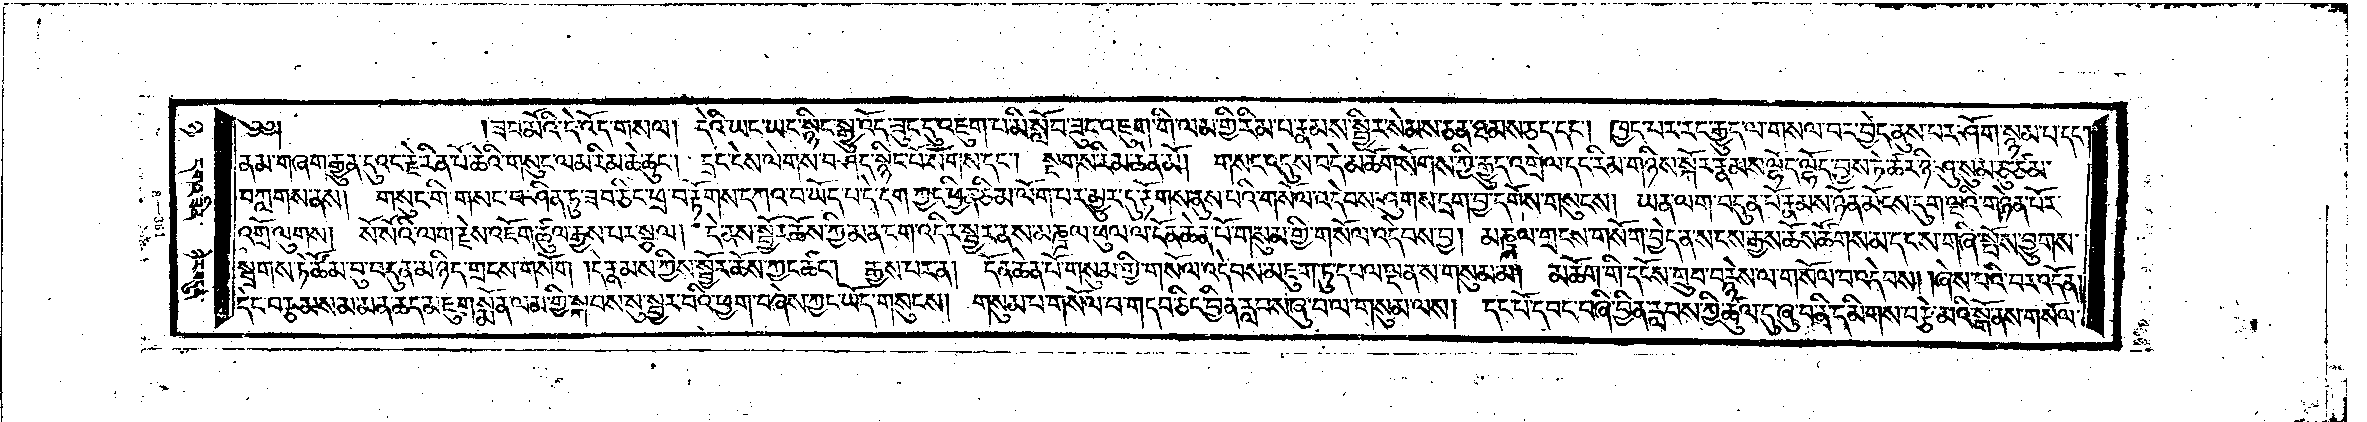༄༅། །ཟབ་མོའི་དེ་འོད་གསལ། དེའི་ཡང་ཡང་སྙིང་སྒྱུ་འོད་ཟུང་དུ་འཇུག་པ་མི་སློབ་ཟུང་འཇུག་གི་ལམ་གྱི་རིམ་པ་རྣམས་སྤྱིར་སེམས་ཅན་ཐམས་ཅད་དང་། ཁྱད་པར་རང་རྒྱུད་ལ་གསལ་བར་བྱེད་ནུས་པར་ཤོག་སྙམ་པ་དང་།
ནམ་གཞག་རྒྱུན་དུའང་རྗེ་རིན་པོ་ཆེའི་གསུང་ལམ་རིམ་ཆེ་ཆུང་། དྲང་ངེས་ལེགས་བཤད་སྙིང་པོ་སོགས་དང་། སྔགས་རིམ་ཆེན་མོ། གསང་འདུས་བདེ་མཆོག་སོགས་ཀྱི་རྒྱུད་འགྲེལ་དང་རིམ་གཉིས་སྐོར་རྣམས་ལྷོད་ལྷོད་བྱས་ཏེ་ཚར་ཉི་ཤུ་སུམ་ཅུ་ཙམ་
བཀླགས་ནས། གསུང་གི་གསང་བ་ཤིན་ཏུ་ཟབ་ཅིང་ཕྲ་བ་རྟོགས་དཀའ་བ་ཡོད་པ་དེ་དག་ཀྱང་ཕྱིན་ཅི་མ་ལོག་པར་མྱུར་དུ་རྟོགས་ནུས་པའི་གསོལ་འདེབས་ཤུགས་དྲག་བྱ་དགོས་གསུངས། ཡན་ལག་བདུན་པོ་རྣམས་ཉོན་མོངས་དུག་ལྔའི་གཉེན་པོར་
འགྲོ་ལུགས། སོ་སོའི་ལག་རྗེས་འཇོག་ཚུལ་རྒྱས་པར་སྩལ། དེ་ནས་སྦྱོར་ཆོས་ཀྱི་མན་ངག་འདིར་སྤྱར་ནས་མཎྜལ་ཕུལ་ལ་དོན་ཆེན་པོ་གསུམ་གྱི་གསོལ་འདེབས་བྱ། མཎྜལ་གྲངས་གསོག་བྱེད་ན་སངས་རྒྱས་ཆོས་ཚོགས་མ་དང་ས་གཞི་སྤོས་བྱུགས་
སྦྲགས་ཏེ་ཚོམ་བུ་བདུན་མ་ཉིད་གྲངས་གསོག །དེ་རྣམས་ཀྱིས་སྦྱོར་ཆོས་ཀྱང་ཚང་། རྒྱས་པར་ན། དོན་ཆེན་པོ་གསུམ་གྱི་གསོལ་འདེབས་མཇུག་ཏུ་དཔལ་ལྡན་ས་གསུམ་མ། མཆོག་གི་དངོས་གྲུབ་བརྙེས་ལ་གསོལ་བ་འདེབས། །ཞེས་པའི་བར་འདོན།
དེང་བརྩམས་མ་མན་ཆད་མཇུག་སྨོན་ལམ་གྱི་སྐབས་སུ་སྦྱར་བའི་ཕྱག་བཞེས་ཀྱང་ཡོད་གསུངས། གསུམ་པ་གསོལ་བ་གད་པ་ཅིང་བྱིན་རླབས་ཞུ་བ་ལ་གསུམ་ལས། དང་པོ་དབང་བཞི་བྱིན་རླབས་ཀྱི་ཚུལ་དུ་ཞུ་བ་ནི་དམིགས་བརྩེ་མའི་སྒོ་ནས་གསོལ་